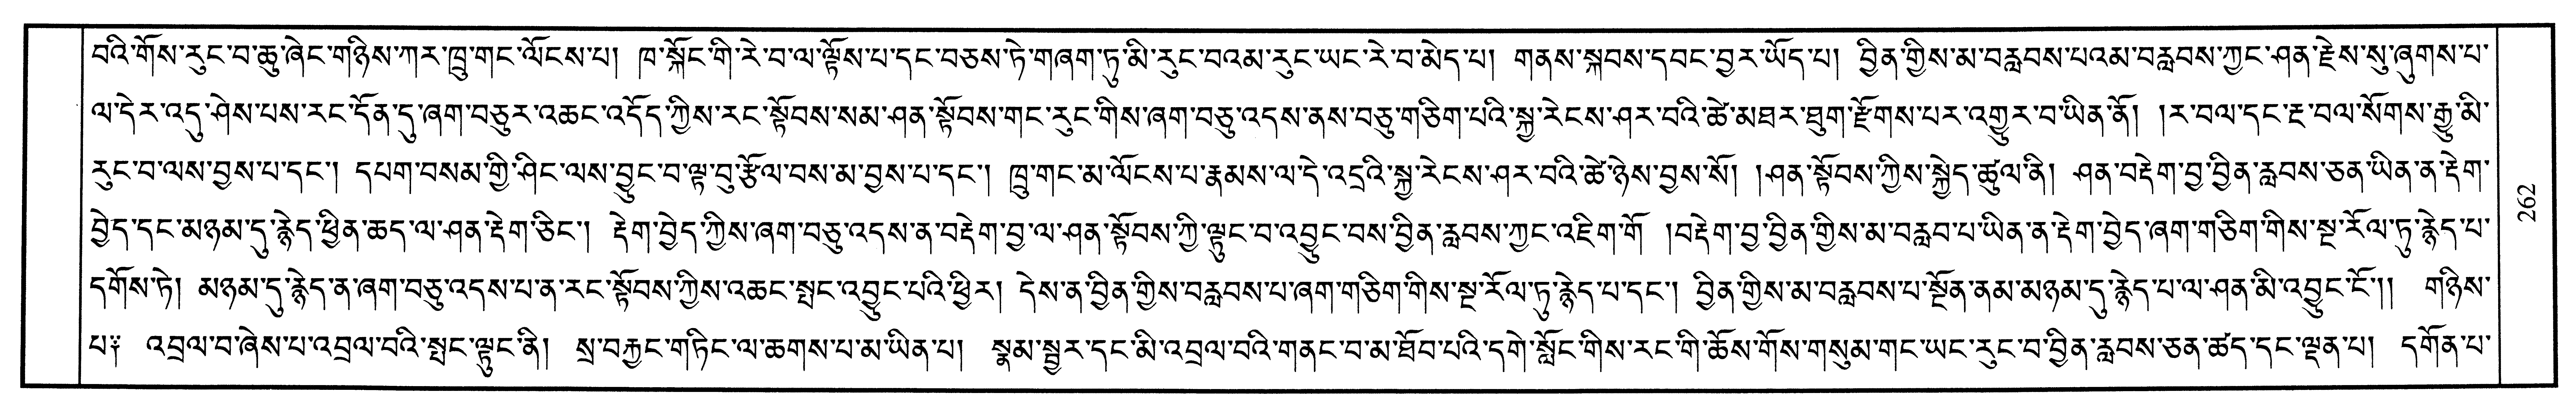བའི་གོས་རུང་བ་ཆུ་ཞེང་གཉིས་ཀར་ཁྲུ་གང་ལོངས་པ། ཁ་སྐོང་གི་རེ་བ་ལ་ལྟོས་པ་དང་བཅས་ཏེ་གཞག་ཏུ་མི་རུང་བའམ་རུང་ཡང་རེ་བ་མེད་པ། གནས་སྐབས་དབང་བྱར་ཡོད་པ། བྱིན་གྱིས་མ་བརླབས་པའམ་བརླབས་ཀྱང་ཤན་རྗེས་སུ་ཞུགས་པ་
ལ་དེར་འདུ་ཤེས་པས་རང་དོན་དུ་ཞག་བཅུར་འཆང་འདོད་ཀྱིས་རང་སྟོབས་སམ་ཤན་སྟོབས་གང་རུང་གིས་ཞག་བཅུ་འདས་ནས་བཅུ་གཅིག་པའི་སྐྱ་རེངས་ཤར་བའི་ཚེ་མཐར་ཐུག་རྫོགས་པར་འགྱུར་བ་ཡིན་ནོ། །ར་བལ་དང་རྔ་བལ་སོགས་རྒྱུ་མི་
རུང་བ་ལས་བྱས་པ་དང་། དཔག་བསམ་གྱི་ཤིང་ལས་བྱུང་བ་ལྟ་བུ་རྩོལ་བས་མ་བྱས་པ་དང་། ཁྲུ་གང་མ་ལོངས་པ་རྣམས་ལ་དེ་དྲའི་སྐྱ་རེངས་ཤར་བའི་ཚེ་ཉེས་བྱས་སོ། །ཤན་སྟོབས་ཀྱིས་སྐྱེད་ཚུལ་ནི། ཤན་བརྡེག་བྱ་བྱིན་རླབས་ཅན་ཡིན་ན་རྡེག་
བྱེད་དང་མཉམ་དུ་རྙེད་ཕྱིན་ཆད་ལ་ཤན་རྡེག་ཅིང་། རྡེག་བྱེད་ཀྱིས་ཞག་བཅུ་འདས་ན་བརྡེག་བྱ་ལ་ཤན་སྟོབས་ཀྱི་ལྟུང་བ་འབྱུང་བས་བྱིན་རླབས་ཀྱང་འཇིག་གོ །བརྡེག་བྱ་བྱིན་གྱིས་མ་བརླབ་པ་ཡིན་ན་རྡེག་བྱེད་ཞག་གཅིག་གིས་སྔ་རོལ་ཏུ་རྙེད་པར་
དགོས་ཏེ། མཉམ་དུ་རྙེད་ན་ཞག་བཅུ་འདས་པ་ན་རང་སྟོབས་ཀྱིས་འཆང་སྤང་འབྱུང་པའི་ཕྱིར། དེས་ན་བྱིན་གྱིས་བརླབས་པ་ཞག་གཅིག་གིས་སྔ་རོལ་ཏུ་རྙེད་པ་དང་། བྱིན་གྱིས་མ་བརླབས་པ་སྔོན་ནམ་མཉམ་དུ་རྙེད་པ་ལ་ཤན་མི་འབྱུང་ངོ།། གཉིས་
པ༑ འབྲལ་བ་ཞེས་འབྲལ་བའི་སྤང་ལྟུང་ནི། སྲ་བརྐྱང་གཏིང་ལ་ཆགས་པ་མ་ཡིན་པ། སྣམ་སྦྱར་དང་མི་འབྲལ་བའི་གནང་བ་མ་ཐོབ་པའི་དགེ་སློང་གིས་རང་གི་ཆོས་གོས་གསུམ་གང་ཡང་རུང་བ་བྱིན་རླབས་ཅན་ཚད་དང་ལྡན་པ། དགོན་པ་